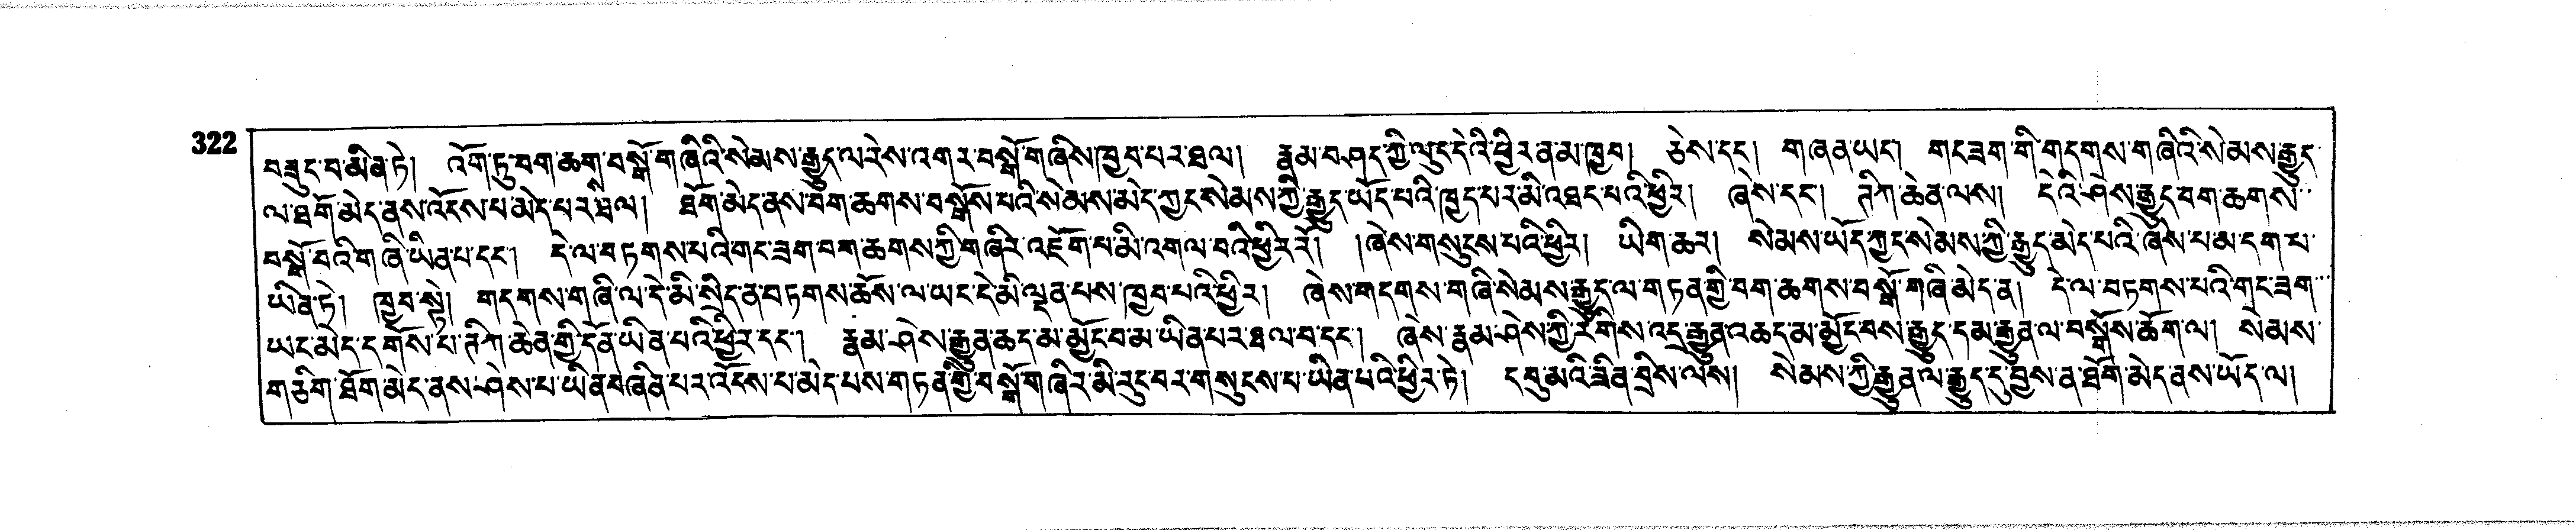བཟུང་བ་མིན་ཏེ། འོག་ཏུ་བག་ཆགས་བསྒོ་གཞིའི་སེམས་རྒྱུད་ལ་རེས་འགར་བསྒོ་གཞིས་ཁྱབ་པར་ཐལ། རྣམ་བཤད་ཀྱི་ལུང་དེའི་ཕྱིར་ན་མ་ཁྱབ། ཅེས་དང་། གཞན་ཡང་། གང་ཟག་གི་གདགས་གཞིའི་སེམས་རྒྱུད་
ལ་ཐོག་མེད་ནས་འོངས་པ་མེད་པར་ཐལ། ཐོག་མེད་ནས་བག་ཆགས་བསྒོས་པའི་སེམས་མེད་ཀྱང་སེམས་ཀྱི་རྒྱུད་ཡོད་པའི་ཁྱད་པར་མི་འཐད་པའི་ཕྱིར། ཞེས་དང་། ཊིཀ་ཆེན་ལས། དེའི་ཤེས་རྒྱུད་བག་ཆགས་
བསྒོ་བའི་གཞི་ཡིན་པ་དང་། དེ་ལ་བཏགས་པའི་གང་ཟག་བག་ཆགས་ཀྱི་གཞིར་འཇོག་པ་མི་འགལ་བའི་ཕྱིར་རོ། །ཞེས་གསུངས་པའི་ཕྱིར། ཡིག་ཆར། སེམས་ཡོད་ཀྱང་སེམས་ཀྱི་རྒྱུད་མེད་པའི་ཞེས་པ་མ་དག་པ་
ཡིན་ཏེ། ཁྱབ་སྟེ། གདགས་གཞི་ལ་དེ་མི་སྲིད་ན་བཏགས་ཆོས་ལ་ཡང་དེ་མི་ལྡན་པས་ཁྱབ་པའི་ཕྱིར། ཞེས་གདགས་གཞི་སེམས་རྒྱུད་ལ་གཏན་གྱི་བག་ཆགས་བསྒོ་གཞི་མེད་ན། དེ་ལ་བཏགས་པའི་གང་ཟག་
ཡང་མེད་དགོས་པ་ཊིཀ་ཆེན་གྱི་དོན་ཡིན་པའི་ཕྱིར་དང་། རྣམ་ཤེས་རྒྱུན་ཆད་མ་མྱོང་བ་མ་ཡིན་པར་ཐལ་བ་དང་། ཞེས་རྣམ་ཤེས་ཀྱི་རིགས་འདྲ་རྒྱུན་འཆད་མ་མྱོང་བས་རྒྱུད་དམ་རྒྱུན་ལ་བསྒོས་ཆོག་ལ། སེམས་
གཅིག་ཐོག་མེད་ནས་ཤེས་པ་ཡིན་བཞིན་པར་འོངས་པ་མེད་པས་གཏན་གྱི་བསྒོ་གཞིར་མི་རུང་བར་གསུངས་པ་ཡིན་པའི་ཕྱིར་ཏེ། དབུ་མའི་ཟིན་བྲིས་ལས། སེམས་ཀྱི་རྒྱུན་ལ་རྒྱུད་དུ་བྱས་ན་ཐོག་མེད་ནས་ཡོད་ལ།